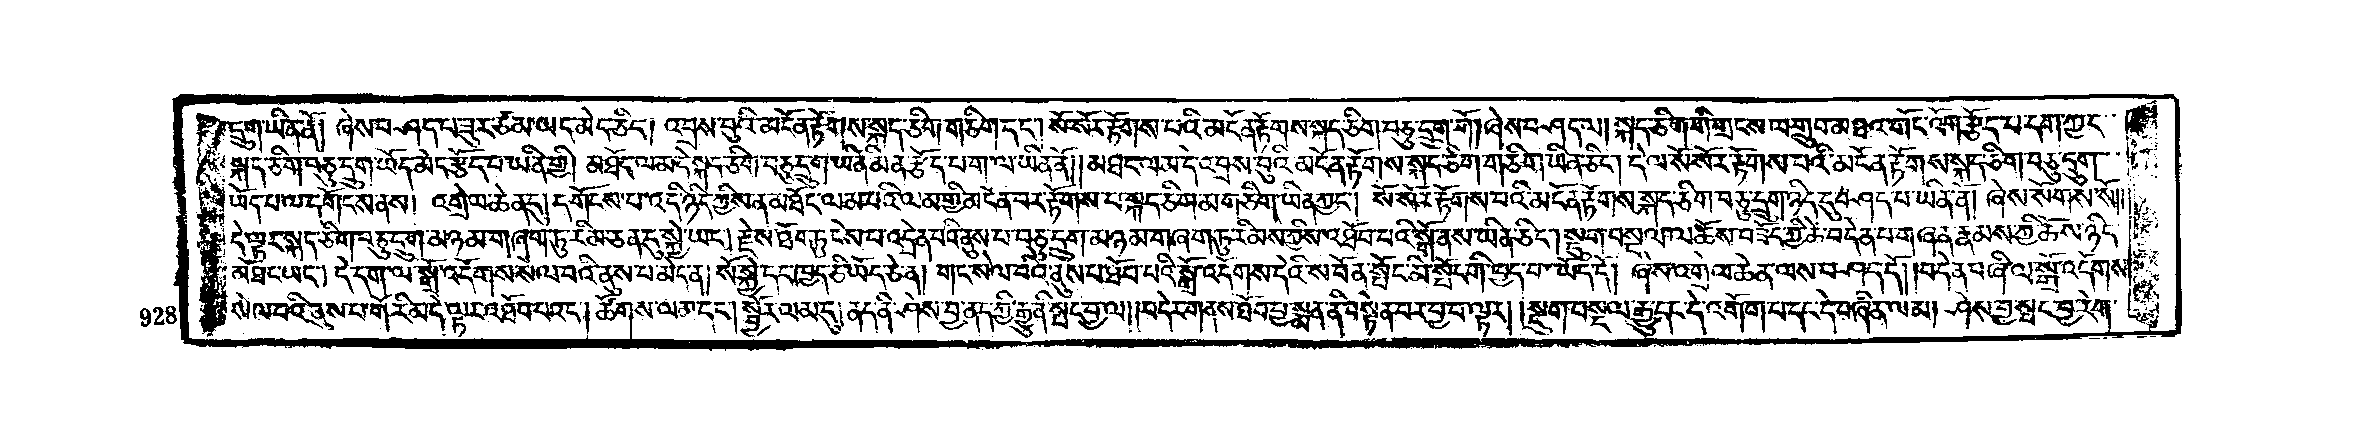དྲུག་ཡིན་ནོ། །ཞེས་བཤད་པ་ཟུར་ཙམ་ཡང་མེད་ཅིང་། འབྲས་བུའི་མངོན་རྟོགས་སྐད་ཅིག་གཅིག་དང་། སོ་སོར་རྟོགས་པའི་མངོན་རྟོགས་སྐད་ཅིག་བཅུ་དྲུག་གོ། ཞེས་བཤད་ལ། སྐད་ཅིག་གི་གྲངས་ལ་གྲུབ་མཐའ་གོང་འོག་རྩོད་པ་དག་ཀྱང་
སྐད་ཅིག་བཅུ་དྲུག་ཡོད་མེད་རྩོད་པ་ཡིན་གྱི། མཐོང་ལམ་དེ་སྐད་ཅིག་བཅུ་དྲུག་ཡིན་མིན་རྩོད་པ་ག་ལ་ཡིན་ནོ། །མཐོང་ལམ་དེ་འབྲས་བུའི་མངོན་རྟོགས་སྐད་ཅིག་གཅིག་ཡིན་ཅིང་། དེ་ལ་སོ་སོར་རྟོགས་པའི་མངོན་རྟོགས་སྐད་ཅིག་བཅུ་དྲུག་
ཡོད་པ་ལ་དགོངས་ནས། འགྲེལ་ཆེན་དུ། དགོངས་པ་འདི་ཉིད་ཀྱིས་ན་མཐོང་ལམ་པའི་ལམ་གྱི་མངོན་པར་རྟོགས་པ་སྐད་ཅིག་མ་གཅིག་ཡིན་ཀྱང་། སོ་སོར་རྟོགས་པའི་མངོན་རྟོགས་སྐད་ཅིག་བཅུ་དྲུག་ཉིད་དུ་བཤད་པ་ཡིན་ནོ། །ཞེས་སོགས་སོ། །
དེ་ལྟར་སྐད་ཅིག་བཅུ་དྲུག་མཉམ་གཞག་ཏུ་རིམ་ཅན་དུ་སྐྱེ་ཡང་། རྗེས་ཐོབ་ཏུ་ངེས་པ་འདྲེན་པའི་ནུས་པ་བཅུ་དྲུག་མཉམ་གཞག་ཏུ་རིམས་ཀྱིས་འཐོབ་པའི་སྒོ་ནས་ཡིན་ཅིང་། སྡུག་བསྔལ་ལ་ཆོས་བཟོད་ཀྱི་ཚེ་བདེན་པ་གཞན་རྣམས་ཀྱི་ཆོས་ཉིད་
མཐོང་ཡང་། དེ་དག་ལ་སྒྲོ་འདོགས་སེལ་བའི་ནུས་པ་མེད་ན། སོ་སྐྱེ་དང་ཁྱད་ཅི་ཡོད་ཅེ་ན། གང་སེལ་བའི་ནུས་པ་ཐོབ་པའི་སྒྲོ་འདོགས་དེའི་ས་བོན་སྤོང་མི་སྤོང་གི་ཁྱད་པ་ཡོད་དོ། ཞེས་འགྲེལ་ཆེན་ལས་བཤད་དོ། །བདེན་བཞི་ལ་སྒྲོ་འདོགས་
སེལ་བའི་ནུས་པ་གོ་རིམ་དེ་ལྟར་འཐོབ་པའང་། ཚོགས་ལམ་དང་། སྦྱོར་ལམ་དུ། ནད་ནི་ཤེས་བྱ་ནད་ཀྱི་རྒྱུ་ནི་སྤང་བྱ་ལ། བདེར་གནས་ཐོབ་བྱ་སྨན་ནི་བསྟེན་པར་བྱ་བ་ལྟར། །སྡུག་བསྔལ་རྒྱུ་དང་དེ་འགོག་པ་དང་དེ་བཞིན་ལམ། ཤེས་བྱ་སྤང་བྱ་རིག་